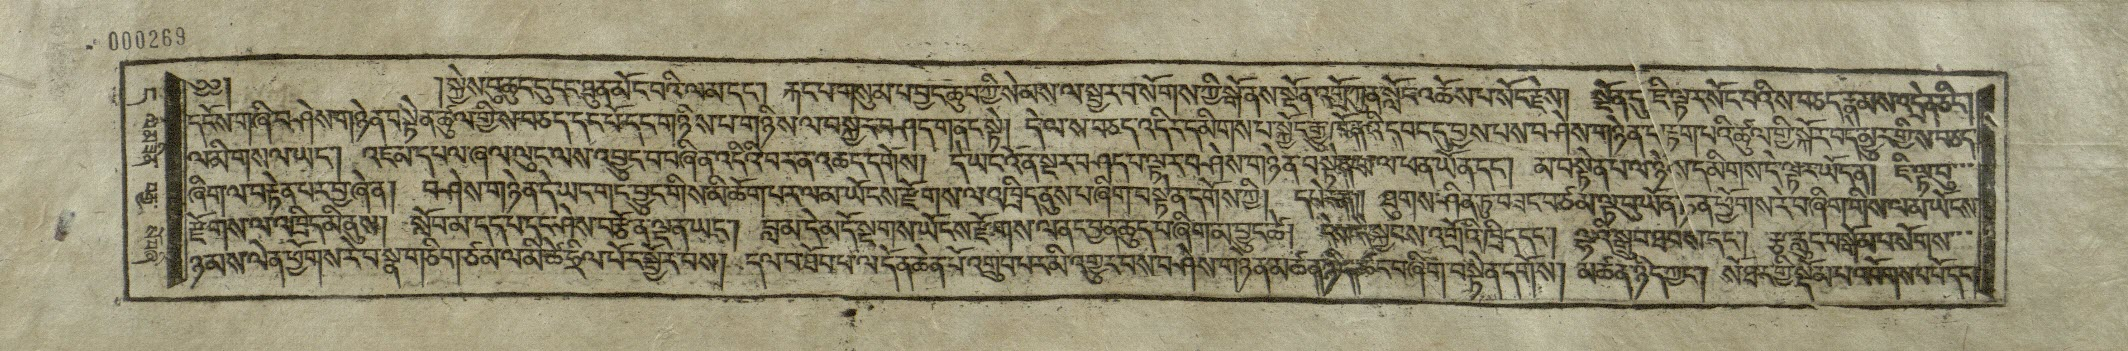༄༅། །སྐྱེས་བུ་ཆུང་ངུ་དང་ཐུན་མོང་བའི་ལམ་དང་། རྐང་པ་གསུམ་པ་བྱང་ཆུབ་ཀྱི་སེམས་ལ་སྦྱར་བ་སོགས་ཀྱི་སྒོ་ནས་སྔོན་འགྲོ་ཀུན་སློང་འཆོས་པ་སོང་རྗེས། སྔོན་དུ་ཇི་ལྟར་སོང་བའི་ས་བཅད་རྣམས་འདྲེན་ཅིང་།
དངོས་གཞི་བཤེས་གཉེན་བསྟེན་ཚུལ་གྱི་ས་བཅད་དང་པོ་དང་གཉིས་པ་གཉིས་ལ་བསྐྱར་བཤད་གནང་སྟེ། དེ་ལ་ས་བཅད་འདིར་དམིགས་པ་སྐྱོང་རྒྱུ་ཁོ་ནའི་དབང་དུ་བྱས་པས་བཤེས་གཉེན་བརྟག་པའི་ཚུལ་གྱི་སྐོར་བདེ་མྱུར་གྱི་ས་བཅད་
ལ་མི་གསལ་ཡང་། འཇམ་དཔལ་ཞལ་ལུང་ལས་འབྱུང་བ་བཞིན་འདིའི་བར་ན་འཆད་དགོས། དེ་ཡང་འོ་ན་སྔར་བཤད་པ་ལྟར་བཤེས་གཉེན་བསྟེན་པ་ལ་ཕན་ཡོན་དང་། མ་བསྟེན་པ་ལ་ཉེས་དམིགས་དེ་ལྟར་ཡོད་ན། ཇི་ལྟ་བུ་
ཞིག་ལ་བརྟེན་པར་བྱ་ཞེ་ན། བཤེས་གཉེན་དེ་ཡང་གང་བྱུང་གིས་མི་ཆོག་པར་ལམ་ཡོངས་རྫོགས་ལ་འཁྲིད་ནུས་པ་ཞིག་བསྟེན་དགོས་ཀྱི། དཔེར་ན། ཐུགས་ཤིན་ཏུ་བཟང་བ་ཙམ་ལྟ་བུ་ཡོན་ཏན་ཕྱོགས་རེ་བ་ཞིག་གིས་ལམ་ཡོངས་
རྫོགས་ལ་འཁྲིད་མི་ནུས། སློབ་མ་དད་པ་དང་ཤེས་བརྩོན་ལྡན་ཡང་། བླ་མ་དེ་མདོ་སྔགས་ཡོངས་རྫོགས་ལ་ནང་བྱན་ཆུད་པ་ཞིག་མ་བྱུང་ཚེ། དེས་དེ་སྐྱབས་འགྲོའི་ཁྲིད་དང་། ལྷའི་སྒྲུབ་ཐབས་དང་། རྩ་རླུང་བསྒོམ་པ་སོགས་
ཉམས་ལེན་ཕྱོགས་རེ་བ་སྣ་གཅིག་ཙམ་ལ་མི་ཚེ་ཧྲིལ་པོར་སྦྱོར་བས། དལ་བ་ཐོབ་པ་ལ་དོན་ཆེན་པོ་འགྲུབ་པར་མི་འགྱུར་བས་བཤེས་གཉེན་མཚན་ཉིད་ཚང་བ་ཞིག་བསྟེན་དགོས། མཚན་ཉིད་ཀྱང་། སོ་ཐར་གྱི་སྡོམ་པ་འབོགས་པ་པོ་དང་།